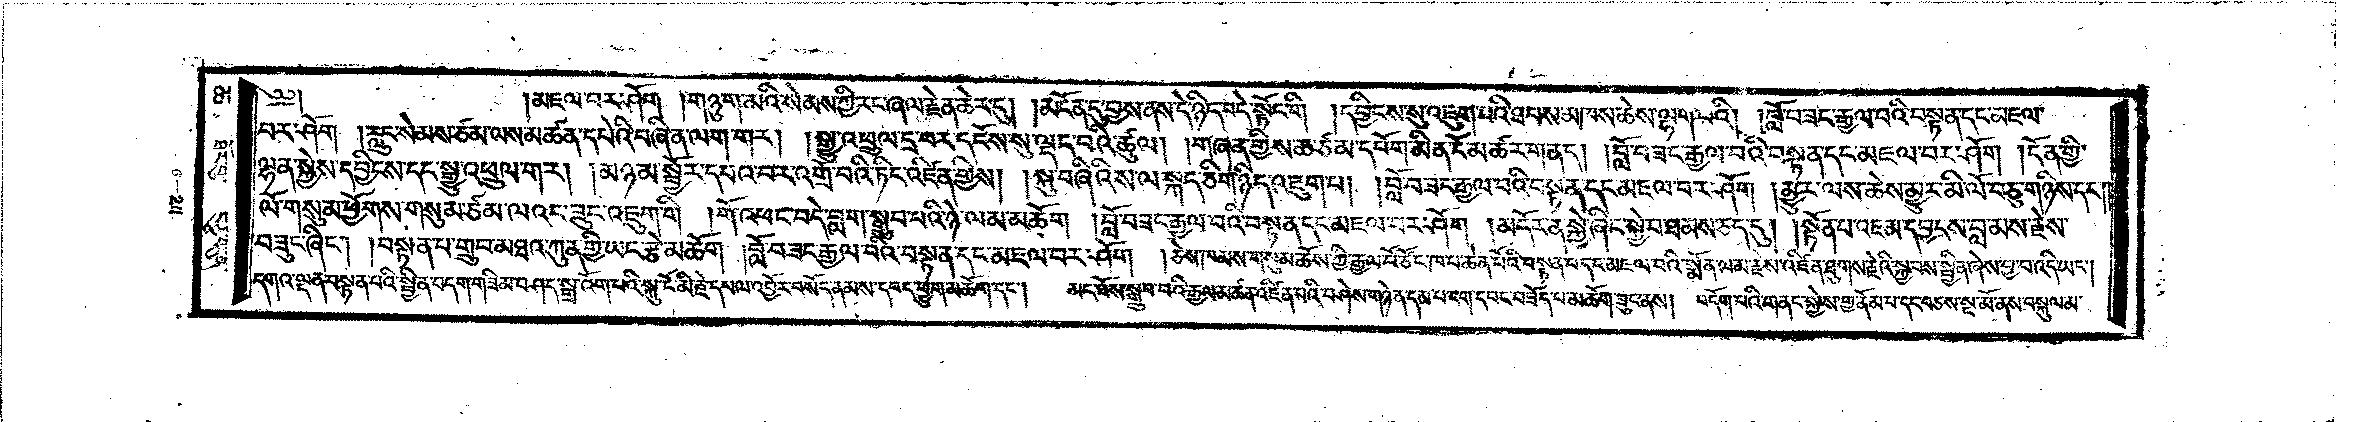༄༅། །མཇལ་པར་ཤོག །གཉུག་མའི་སེམས་ཀྱི་རང་ཞལ་རྗེན་ཆེར་དུ། །མངོན་དུ་བྱས་ནས་དེ་ཉིད་བདེ་སྟོང་གི །དབྱིངས་སུ་འཇུག་པའི་ཐབས་མཁས་ཆེས་ལྷག་པའི། །བློ་བཟང་རྒྱལ་བའི་བསྟན་དང་མཇལ་
བར་ཤོག །རླུང་སེམས་ཙམ་ལས་མཚན་དཔེའི་བཞིན་ལག་གར། །སྒྱུ་འཕྲུལ་དྲ་བར་དངོས་སུ་ལྡང་བའི་ཚུལ། །གཞན་གྱིས་ཆ་ཙམ་དཔོག་མིན་ངོ་མཚར་གནད། །བློ་བཟང་རྒྱལ་བའི་བསྟན་དང་མཇལ་བར་ཤོག །དོན་གྱི་
ལྷན་སྐྱེས་དབྱིངས་དང་སྒྱུ་འཕྲུལ་གར། །མཉམ་སྦྱོར་དཔའ་བར་འགྲོ་བའི་ཏིང་འཛིན་གྱིས། །སྐུ་བཞིའི་ས་ལ་སྐད་ཅིག་ཉིད་འཇུག་པ། །བློ་བཟང་རྒྱལ་བའི་བསྟན་དང་མཇལ་བར་ཤོག །མྱུར་ལས་ཆེས་མྱུར་མི་ལོ་བཅུ་གཉིས་དང་།
ལོ་གསུམ་ཕྱོགས་གསུམ་ཙམ་ལའང་ཟུང་འཇུག་གི །གོ་འཕང་བདེ་བླག་སྒྲུབ་པའི་ཉེ་ལམ་མཆོག །བློ་བཟང་རྒྱལ་བའི་སྟན་དང་མཇལ་བར་ཤོག །མདོར་ན་སྐྱེ་ཞིང་སྐྱེ་བ་ཐམས་ཅད་དུ། །སྟོན་པ་འཇམ་དབྱངས་བླ་མས་རྗེས་
བཟུང་ཞིང་། །བསྟན་པ་གྲུབ་མཐའ་ཀུན་གྱི་ཡང་རྩེ་མཆོག །བློ་བཟང་རྒྱལ་བའི་བསྟན་དང་མཇལ་བར་ཤོག །ཅེས་ཁམས་གསུམ་ཆོས་ཀྱི་རྒྱལ་པོ་ཙོང་ཁ་པ་ཆེན་པོའི་བསྟན་པ་དའ་མཇལ་བའི་སྨོན་ལམ་རྗེས་འཛིན་ཐུགས་རྗེའི་སྐྱབས་སྦྱིན་ཞེས་བྱ་བ་འདི་ཡང་།
དགའ་ལྡན་བསྟན་པའི་སྦྱིན་བདག་གཟིམ་བཤད་སྒྲ་འོག་པའི་སྐུ་ངོ་མི་རྗེ་དཔལ་འབྱོར་བསོད་ནམས་དབང་ཕྱུག་མཆོག་དང་། མང་ཐོས་སྒྲུབ་པའི་རྒྱལ་མཚན་འཛིན་པའི་བཤེས་གཉེན་དམ་པ་ངག་དབང་བཟོད་པ་མཆོག་ཟུང་ནས། བདོག་པའི་གནང་སྐྱེས་གྱ་ནོམ་པ་དང་བཅས་སྔ་མོ་ནས་བསྐུལ་མ་